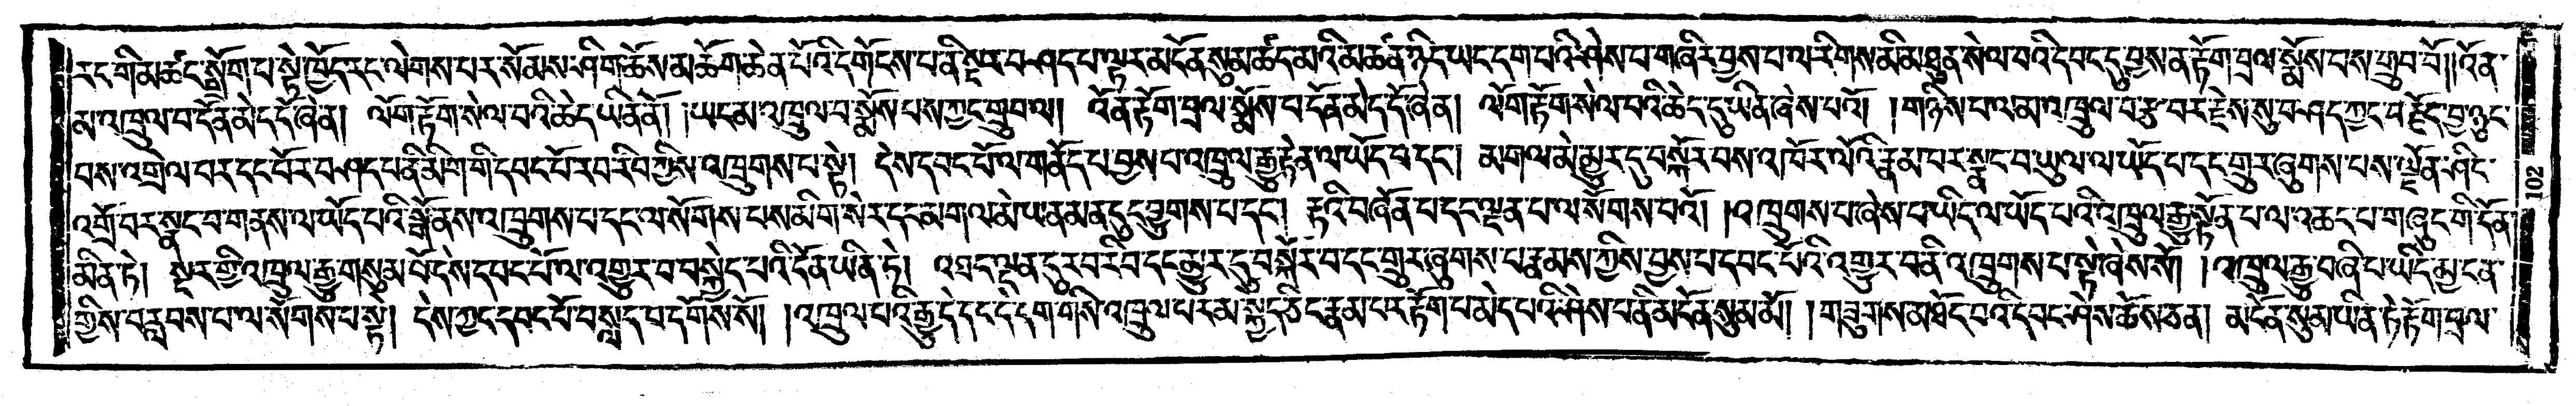རང་གི་མཚང་སྒྲོག་པ་སྟེ་ཁྱོད་རང་ལེགས་པར་སོམས་ཤིག་ཆོས་མཆོག་ཆེན་པོའི་དགོངས་པ་ནི་སྔར་བཤད་པ་ལྟར་མངོན་སུམ་ཚད་མའི་མཚན་ཉིད་ཡང་དག་པའི་ཤེས་པ་གཞིར་བྱས་པ་ལ་རིགས་མི་མཐུན་སེལ་བའི་དབང་དུ་བྱས་ན་རྟོག་བྲལ་སྨོས་པས་གྲུབ་བོ། །འོ་ན་
མ་འཁྲུལ་བ་དོན་མེད་དོ་ཞེ་ན། ལོག་རྟོག་སེལ་བའི་ཆེད་ཡིན་ནོ། །ཡང་མ་འཁྲུལ་བ་སྨོས་པས་ཀྱང་གྲུབ་ལ། འོ་ན་རྟོག་བྲལ་སྨོས་པ་དོན་མེད་དོ་ཞེ་ན། ལོག་རྟོག་སེལ་བའི་ཆེད་དུ་ཡིན་ཞེས་པའོ། །གཉིས་པ་ལ་མ་འཁྲུལ་བ་རྩ་བར་རྗེས་སུ་བཤད་ཀྱང་བརྗོད་བྱ་ཉུང་
པས་འགྲེལ་པར་དང་པོར་བཤད་པ་ནི་མིག་གི་དབང་པོ་རབ་རིབ་ཀྱིས་འཁྲུགས་པ་སྟེ། དེས་དབང་པོ་ལ་གནོད་པ་བྱས་པ་འཁྲུལ་རྒྱུ་རྟེན་ལ་ཡོད་པ་དང་། མགལ་མེ་མྱུར་དུ་བསྐོར་བས་འཁོར་ལོའི་རྣམ་པར་སྣང་བ་ཡུལ་ལ་ཡོད་པ་དང་གྲུར་ཞུགས་པས་ལྗོན་ཤིང་
འགྲོ་བར་སྣང་བ་གནས་ལ་ཡོད་པའི་སྒོ་ནས་འཁྲུགས་པ་དང་ལ་སོགས་པས་མིག་སེར་དང་མགལ་མེ་ཡན་མན་དུ་དབྱུགས་པ་དང་། རྟའི་བཞོན་པ་དང་ལྡན་པ་ལ་སོགས་པའོ། །འཁྲུགས་པ་ཞེས་པ་ཡིད་ལ་ཡོད་པའི་འཁྲུལ་རྒྱུ་སྟོན་པ་ལ་འཆད་པ་གཞུང་གི་དོན་
མིན་ཏེ། སྔར་གྱི་འཁྲུལ་རྒྱུ་གསུམ་པོ་དེས་དབང་པོ་ལ་འགྱུར་བ་བསྐྱེད་པའི་དོན་ཡིན་ཏེ། འཐད་ལྡན་དུ་རབ་རིབ་དང་མྱུར་དུ་བསྐོར་བ་དང་གྲུར་ཞུགས་པ་རྣམས་ཀྱིས་བྱས་པ་དབང་པོའི་འགྱུར་བ་ནི་འཁྲུགས་པ་སྟེ་ཞེས་སོ། །འཁྲུལ་རྒྱུ་བཞི་པ་ཡིད་མྱ་ངན་
གྱིས་བརླབས་པ་ལ་སོགས་པ་སྟེ། དེས་ཀྱང་དབང་པོ་བསླད་པ་དགོས་སོ། །འཁྲུལ་པའི་རྒྱུ་དེ་དང་དེ་དག་གིས་འཁྲུལ་པར་མ་སྐྱེད་ཅིང་རྣམ་པར་རྟོག་པ་མེད་པའི་ཤེས་པ་ནི་མངོན་སུམ་མོ། །གཟུགས་མཐོང་བའི་དབང་ཤེས་ཆོས་ཅན། མངོན་སུམ་ཡིན་ཏེ་རྟོག་བྲལ་